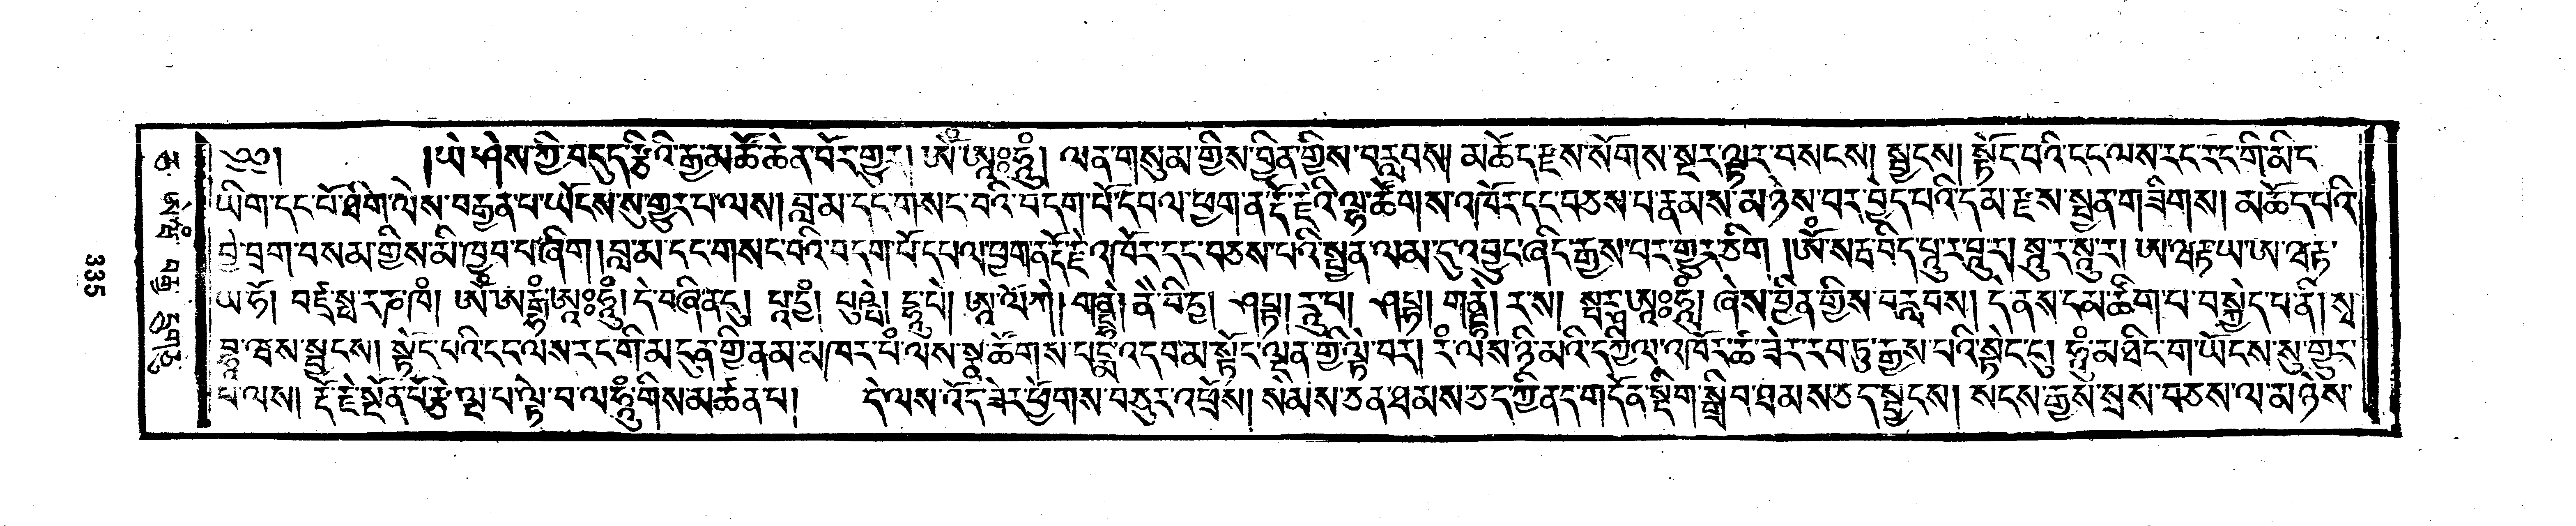༄༅། །ཡེ་ཤེས་ཀྱི་བདུད་རྩིའི་རྒྱ་མཚོ་ཆེན་པོར་གྱུར། ཨོཾ་ཨཱཿ ཧཱུཾ། ལན་གསུམ་གྱིས་བྱིན་གྱིས་བརླབས། མཆོད་རྫས་སོགས་སྔར་ལྟར་བསངས། སྦྱངས། སྟོང་པའི་ངང་ལས་རང་རང་གི་མིང་
ཡིག་དང་པོ་ཐིག་ལེས་བརྒྱན་པ་ཡོངས་སུ་གྱུར་པ་ལས། བླ་མ་དང་གསང་བའི་བདག་པོ་དཔལ་ཕྱག་ན་རྡོ་རྗེའི་ལྷ་ཚོགས་འཁོར་དང་བཅས་པ་རྣམས་མཉེས་པར་བྱེད་པའི་དམ་རྫས་སྤྱན་གཟིགས། མཆོད་པའི་
བྱེ་བྲག་བསམ་གྱིས་མི་ཁྱབ་པ་ཞིག །བླ་མ་དང་གསང་བའི་བདག་པོ་དཔལ་ཕྱག་ན་རྡོ་རྗེ་འཁོར་དང་བཅས་པའི་སྤྱན་ལམ་དུ་འབྱུང་ཞིང་རྒྱས་པར་གྱུར་ཅིག །ཨོཾ་སརྦ་བིད་པཱུ་ར་པཱུ་ར། སཱུ་ར་སཱུ་ར། ཨ་ཝརྟ་ཡ་ཨ་ཝརྟ་
ཡ་ཧོ། བཛྲ་སྥ་ར་ཎ་ཁཾ། ཨོཾ་ཨརྒྷཾ་ཨཱཿ ཧཱུཾ། དེ་བཞིན་དུ། པཱ་དྱཾ། པུཥྤེ། དྷཱུ་པེ། ཨཱ་ལོ་ཀེ། གནྡྷེ། ནཻ་བི་དྱ། ཤཔྟ། རཱུ་པ། ཤཔྟ། གནྡྷེ། ར་ས། སྤརྴ་ཨཱཿ ཧཱུཾ། ཞེས་བྱིན་གྱིས་བརླབས། དེ་ནས་དམ་ཚིག་པ་བསྐྱེད་པ་ནི། སྭ་
བྷཱ་ཝས་སྦྱངས། སྟོང་པའི་ངང་ལས་རང་གི་མདུན་གྱི་ནམ་མཁར་པཾ་ལས་སྣ་ཚོགས་པདམ་འདབ་མ་སྟོང་ལྡན་གྱི་ལྟེ་བར། རཾ་ལས་ཉི་མའི་དཀྱིལ་འཁོར་ཚ་ཟེར་རབ་ཏུ་རྒྱས་པའི་སྟེང་དུ། ཧཱུཾ་མཐིང་ག་ཡོངས་སུ་གྱུར་
པ་ལས། རྡོ་རྗེ་སྔོན་པོ་རྩེ་ལྔ་པ་ལྟེ་བ་ལ་ཧཱུཾ་གིས་མཚན་པ། དེ་ལས་འོད་ཟེར་ཕྱོགས་བཅུར་འཕྲོས། སེམས་ཅན་ཐམས་ཅད་ཀྱི་ནད་གདོན་སྡིག་སྒྲིབ་ཐམས་ཅད་སྦྱངས། སངས་རྒྱས་སྲས་བཅས་ལ་མཉེས་